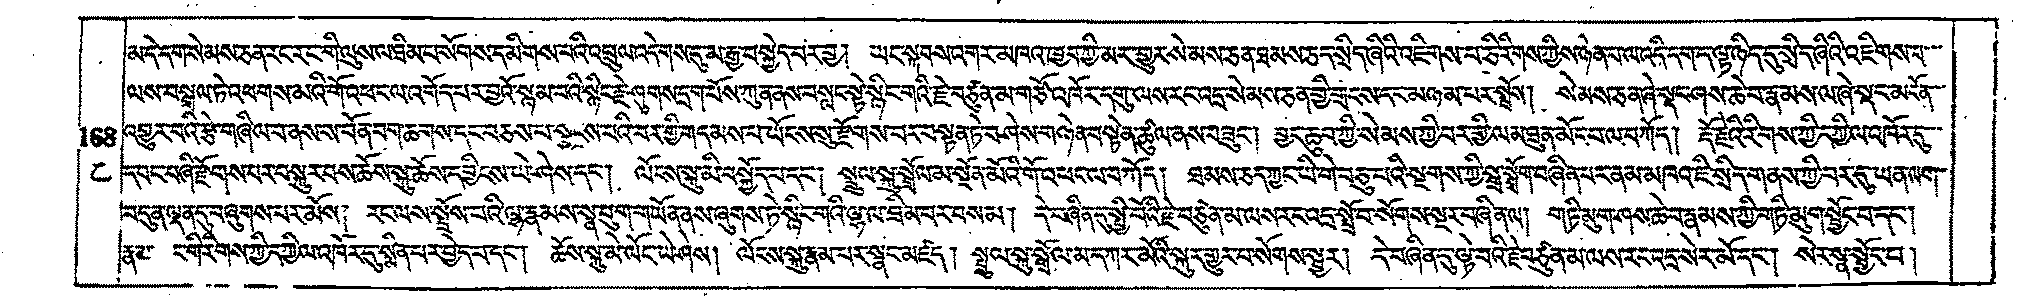མ་དེ་དག་སེམས་ཅན་རང་རང་གི་ལུས་ལ་ཐིམ་པ་སོགས་དམིགས་པའི་འཕྲུལ་འདེགས་དུ་མ་རྒྱ་བསྐྱེད་པར་བྱ། ཡང་སྐབས་འགར་མཁའ་ཁྱབ་ཀྱི་མར་གྱུར་སེམས་ཅན་ཐམས་ཅད་སྲིད་ཞིའི་འཇིགས་པ་ཅི་རིགས་ཀྱིས་ཉེན་པ་ལ་འདི་དག་དང་ད་ལྟ་ཉིད་དུ་སྲིད་ཞིའི་འཇིགས་པ་་་
ལས་བསྒྲལ་ཏེ་འཕགས་མའི་གོ་འཕང་ལ་འགོད་པར་བྱའོ་སྙམ་པའི་སྙིང་རྗེ་ཤུགས་དྲག་པོས་ཀུན་ནས་བསླང་སྟེ་སྙིང་གའི་རྗེ་བཙུན་མ་གཙོ་འཁོར་དགུ་ལས་རང་འདྲ་སེམས་ཅན་གྱི་གྲངས་དང་མཉམ་པར་སྤྲོས། སེམས་ཅན་ཞེ་སྡང་ཤས་ཆེ་བ་རྣམས་ལ་ཞེ་སྡང་མངོན་་་
འགྱུར་བའི་རྩེ་གཞིལ་བ་ནས་ས་བོན་བག་ཆགས་དང་བཅས་པ་སྦྱངས་པའི་བར་གྱི་གདམས་པ་ཡོངས་སུ་རྫོགས་པར་བསྟན་ཏེ་བཤེས་གཉེན་བསྟེན་ཚུལ་ནས་བཟུང་། བྱང་ཆུབ་ཀྱི་སེམས་ཀྱི་བར་གྱི་ལམ་ཐུན་མོང་བ་ལ་བཀོད། རྡོ་རྗེའི་རིགས་ཀྱི་དཀྱིལ་འཁོར་དུ་་་
དབང་བཞི་རྫོགས་པར་བསྐུར་བས་ཆོས་སྐུ་ཆོས་དབྱིངས་ཡེ་ཤེས་དང་། ལོངས་སྐུ་མི་བསྐྱོད་པ་དང་། སྤྲུལ་སྐུ་སྒྲོལ་མ་སྔོན་མོའི་གོ་འཕང་ལ་བཀོད། ཐམས་ཅད་ཀྱང་ཡི་གེ་བཅུ་པའི་སྔགས་ཀྱི་སྒྲ་སྒྲོག་བཞིན་པར་ནམ་མཁའ་ཇི་སྲིད་གནས་ཀྱི་བར་དུ་ཡན་ལག་
བདུན་ལྡན་དུ་བཞུགས་པར་མོས། རང་ལས་སྤྲོས་པའི་ལྷ་རྣམས་སྣ་བུག་གཡོན་ནས་ཞུགས་ཏེ་སྙིང་གའི་ལྷ་ལ་ཐིམ་པར་བསམ། དེ་བཞིན་དུ་སྤྱི་བོའི་རྗེ་བཙུན་མ་ལས་རང་འདྲ་སྤྲོ་བ་སོགས་སྔར་བཞིན་ལ། གཏི་མུག་ཤས་ཆེ་བ་རྣམས་ཀྱི་གཏི་མུག་སྦྱོང་བ་དང་།
རྣམ་རང་གི་རིགས་ཀྱི་དཀྱིལ་འཁོར་དུ་སྨིན་པར་བྱེད་པ་དང་། ཆོས་སྐུ་མེ་ལོང་ཡེ་ཤེས། ལོངས་སྐུ་རྣམ་པར་སྣང་མཛད། སྤྲུལ་སྐུ་སྒྲོལ་མ་དཀར་མོའི་སྐུར་གྱུར་པ་སོགས་སྦྱར། དེ་བཞིན་དུ་ལྟེ་བའི་རྗེ་བཙུན་མ་ལས་རང་འདྲ་སེར་མོ་དང་། སེར་སྣ་སྦྱང་བ།